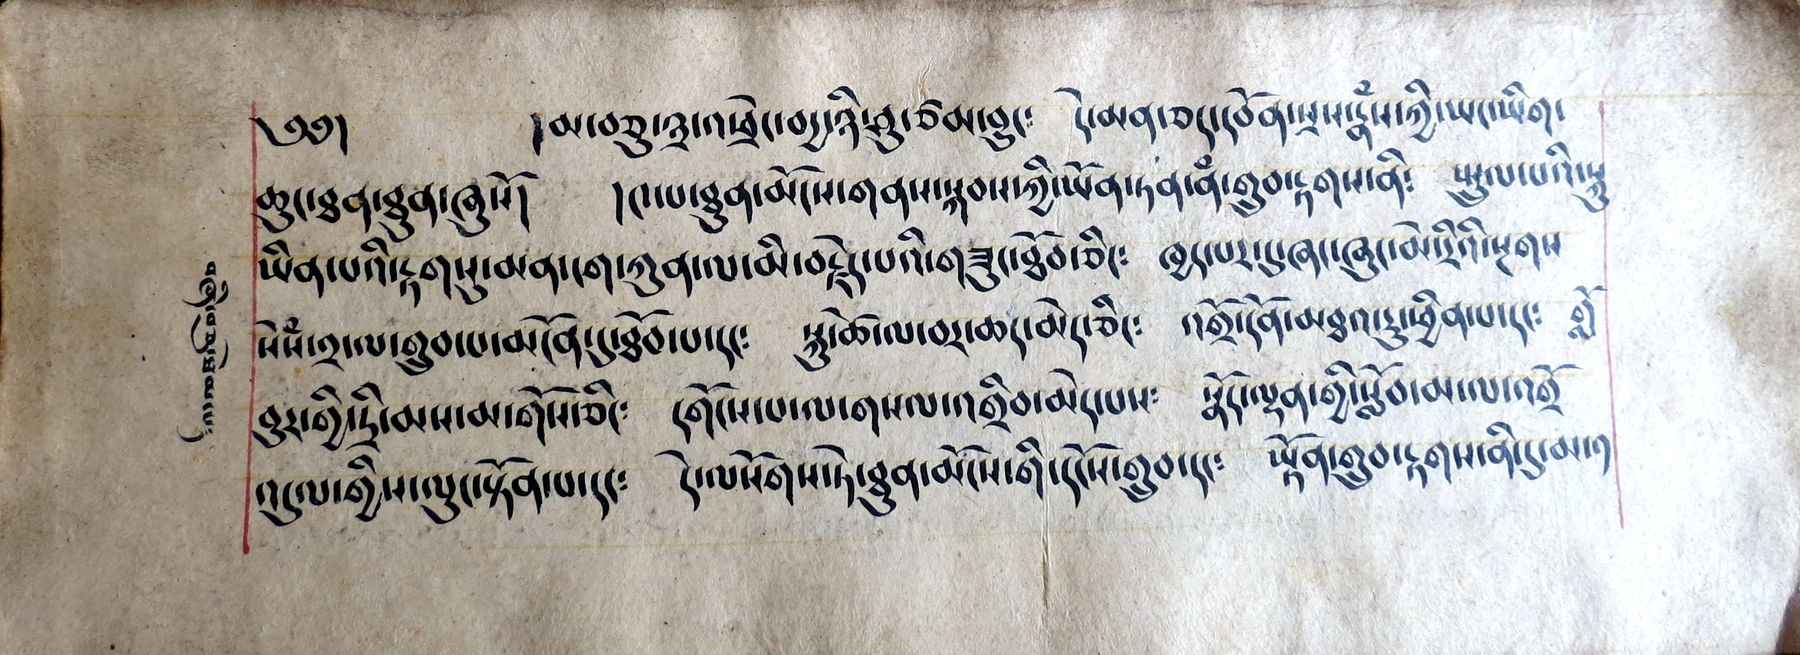མ་བཅུ་གསུམ་འཕྲེང་བརྒྱ་ཉི་ཤུ་ཙམ་བྱུང་། དེ་མན་ཅད་དབོན་སྲས་རྣམས་ཀྱིས་ཡང་ཡིག་
ཆུང་ཐན་ཐུན་ཞུས་སོ། །བཞི་པ་ཐུན་མོང་གནས་སྐབས་ཀྱི་ཡོན་ཏན་གྲུབ་རྟགས་ནི། སྤྲུལ་པའི་སྐུ་
ཡིན་པའི་རྟགས་སུ། མན་ངག་ཀུན་ལ་མི་བརྗེད་པའི་གཟུངས་ཐོབ་ཅིང་། ཁྱད་པར་དུ་ཞང་ཞུང་མེ་རིའི་སྔགས་
སེམས་གཉིས་ལ་གྲུབ་པ་མངོན་དུ་ཐོབ། སྐུ་ཚེ་ལ་བར་ཆོད་མེད་ཅིང་འགྲོ་དོན་མཐའ་རུ་ཕྱིན་པ་དང་། གློ་
བུར་གྱི་དྲི་མས་མ་གོས་ཤིང་། དགོངས་པ་ལ་གསལ་འགྲིབ་མེད་པས། སྣོད་ལྡན་གྱི་སློབ་མ་ལ་འགྲོ་
འདུལ་གྱི་ལུང་སྟོན་པ་དང་། དེ་ལས་སོགས་ཏེ་ཐུན་མོང་གི་དངོས་གྲུབ་དང་ཡོན་ཏན་གྲུབ་རྟགས་ནི། དུ་མ་ཅིག་